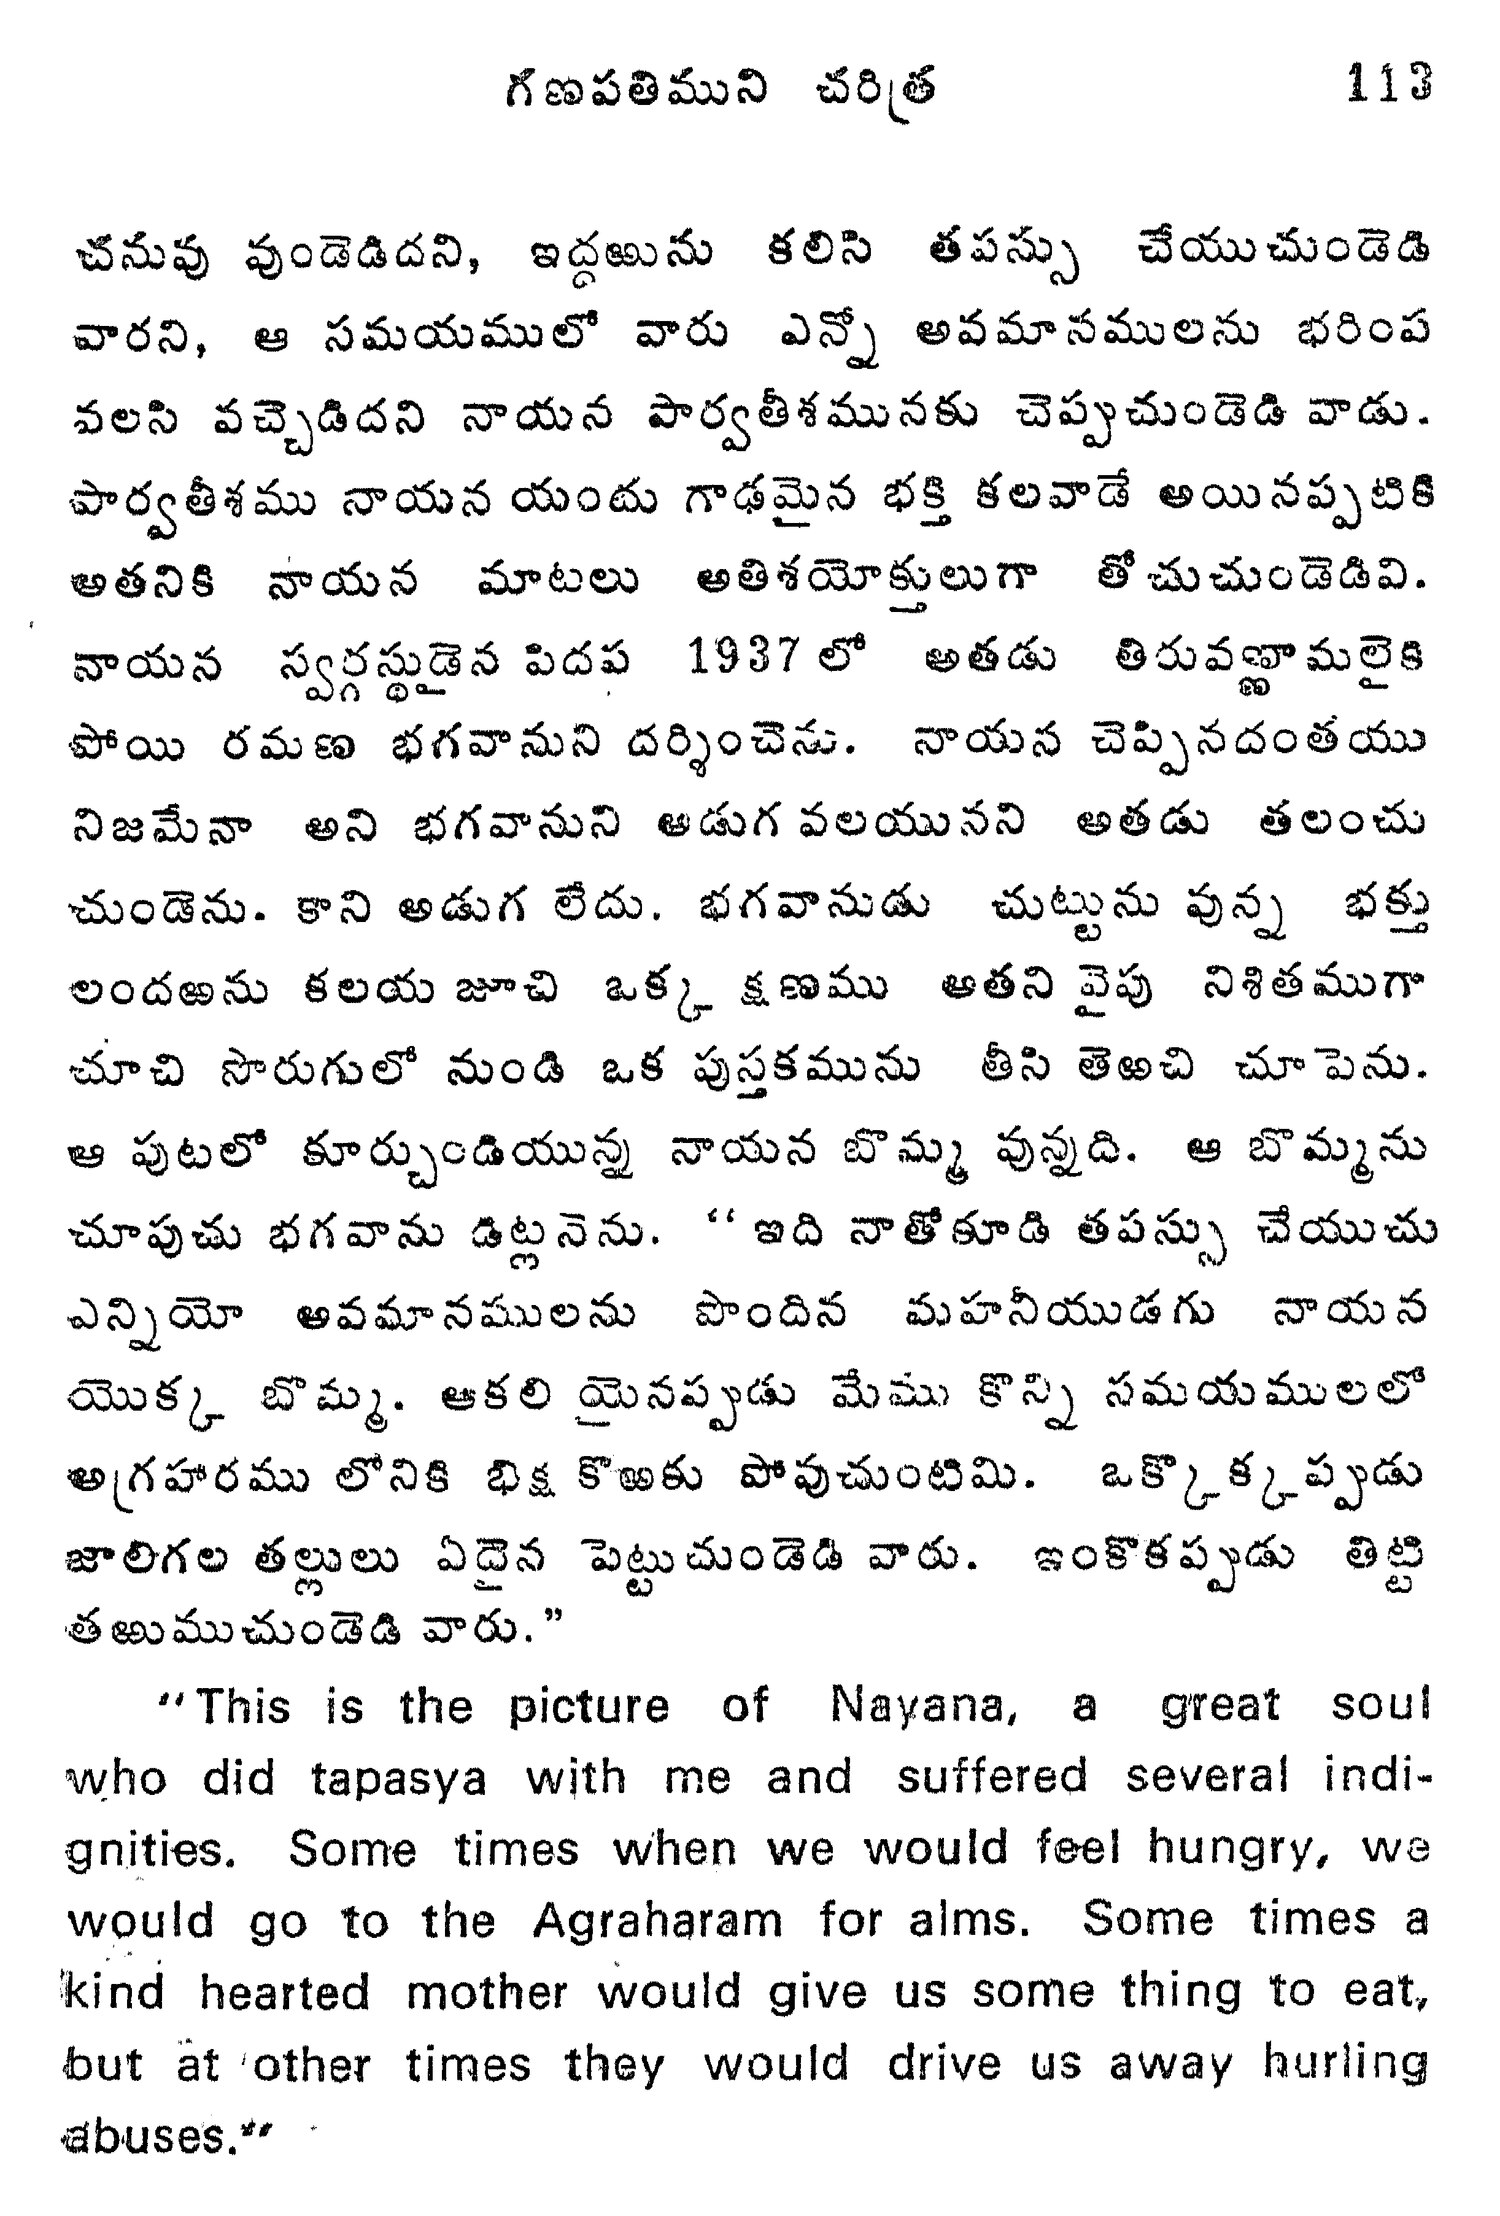చనువు వుండెడిదని, ఇద్దఱును కలిసి తపస్సు చేయుచుండెడి వారని, ఆ సమయములో వారు ఎన్నో అవమానములను భరింప వలసి వచ్చెడిదని నాయన పార్వతీశమునకు చెప్పుచుండెడి వాడు. పార్వతీశము నాయన యందు గాడమైన భక్తి కలవాడే అయినప్పటికి ఆతనికి నాయన మాటలు అతిశయోక్తులుగా తోచుచుండెడివి. నాయన స్వర్గస్థుడైన పిదప 1937 లో అతడు తిరువణ్ణామలైకి పోయి రమణ భగవానుని దర్శించెను. నాయన చెప్పినదంతయు నిజమేనా అని భగవానుని అడుగ వలయునని అతడు తలంచు చుండెను. కాని అడుగ లేదు. భగవానుడు చుట్టున్న వున్న భక్తు లందఱను కలయ జూచి ఒక్క క్షణము అతని వైపు నిశితముగా చూచి సొరుగులో నుండి ఒక పుస్తకమును తీసి తెఱచి చూపెను. ఆ పుటలో కూర్చుండియున్న నాయన బొమ్మ వున్నది. ఆ బొమ్మను చూపుచు భగవాను డిట్లనెను. "ఇది నాతోకూడి తపస్సు చేయుచు ఎన్నియో అవమానములను పొందిన మహనీయుడగు నాయన యొక్క బొమ్మ, ఆకలి యైనప్పుడు మేము కొన్ని సమయములలో అగ్రహారము లోనికి భిక్ష కొఱకు పోవుచుంటిమి. ఒక్కొక్కప్పుడు జాలిగల తల్లులు ఏదైన పెట్టుచుండెడి వారు. ఇంకొకప్పుడు తిట్టి తఱుముచుండెడి వారు."

" This is the picture of Nayana, a great soul who did tapasya with me and suffered several indignities. Some times when we would feel hungry, we would go to the Agraharam for alms. Some times a kind hearted mother would give us some thing to eat, but at other times they would drive us away hurling abuses."